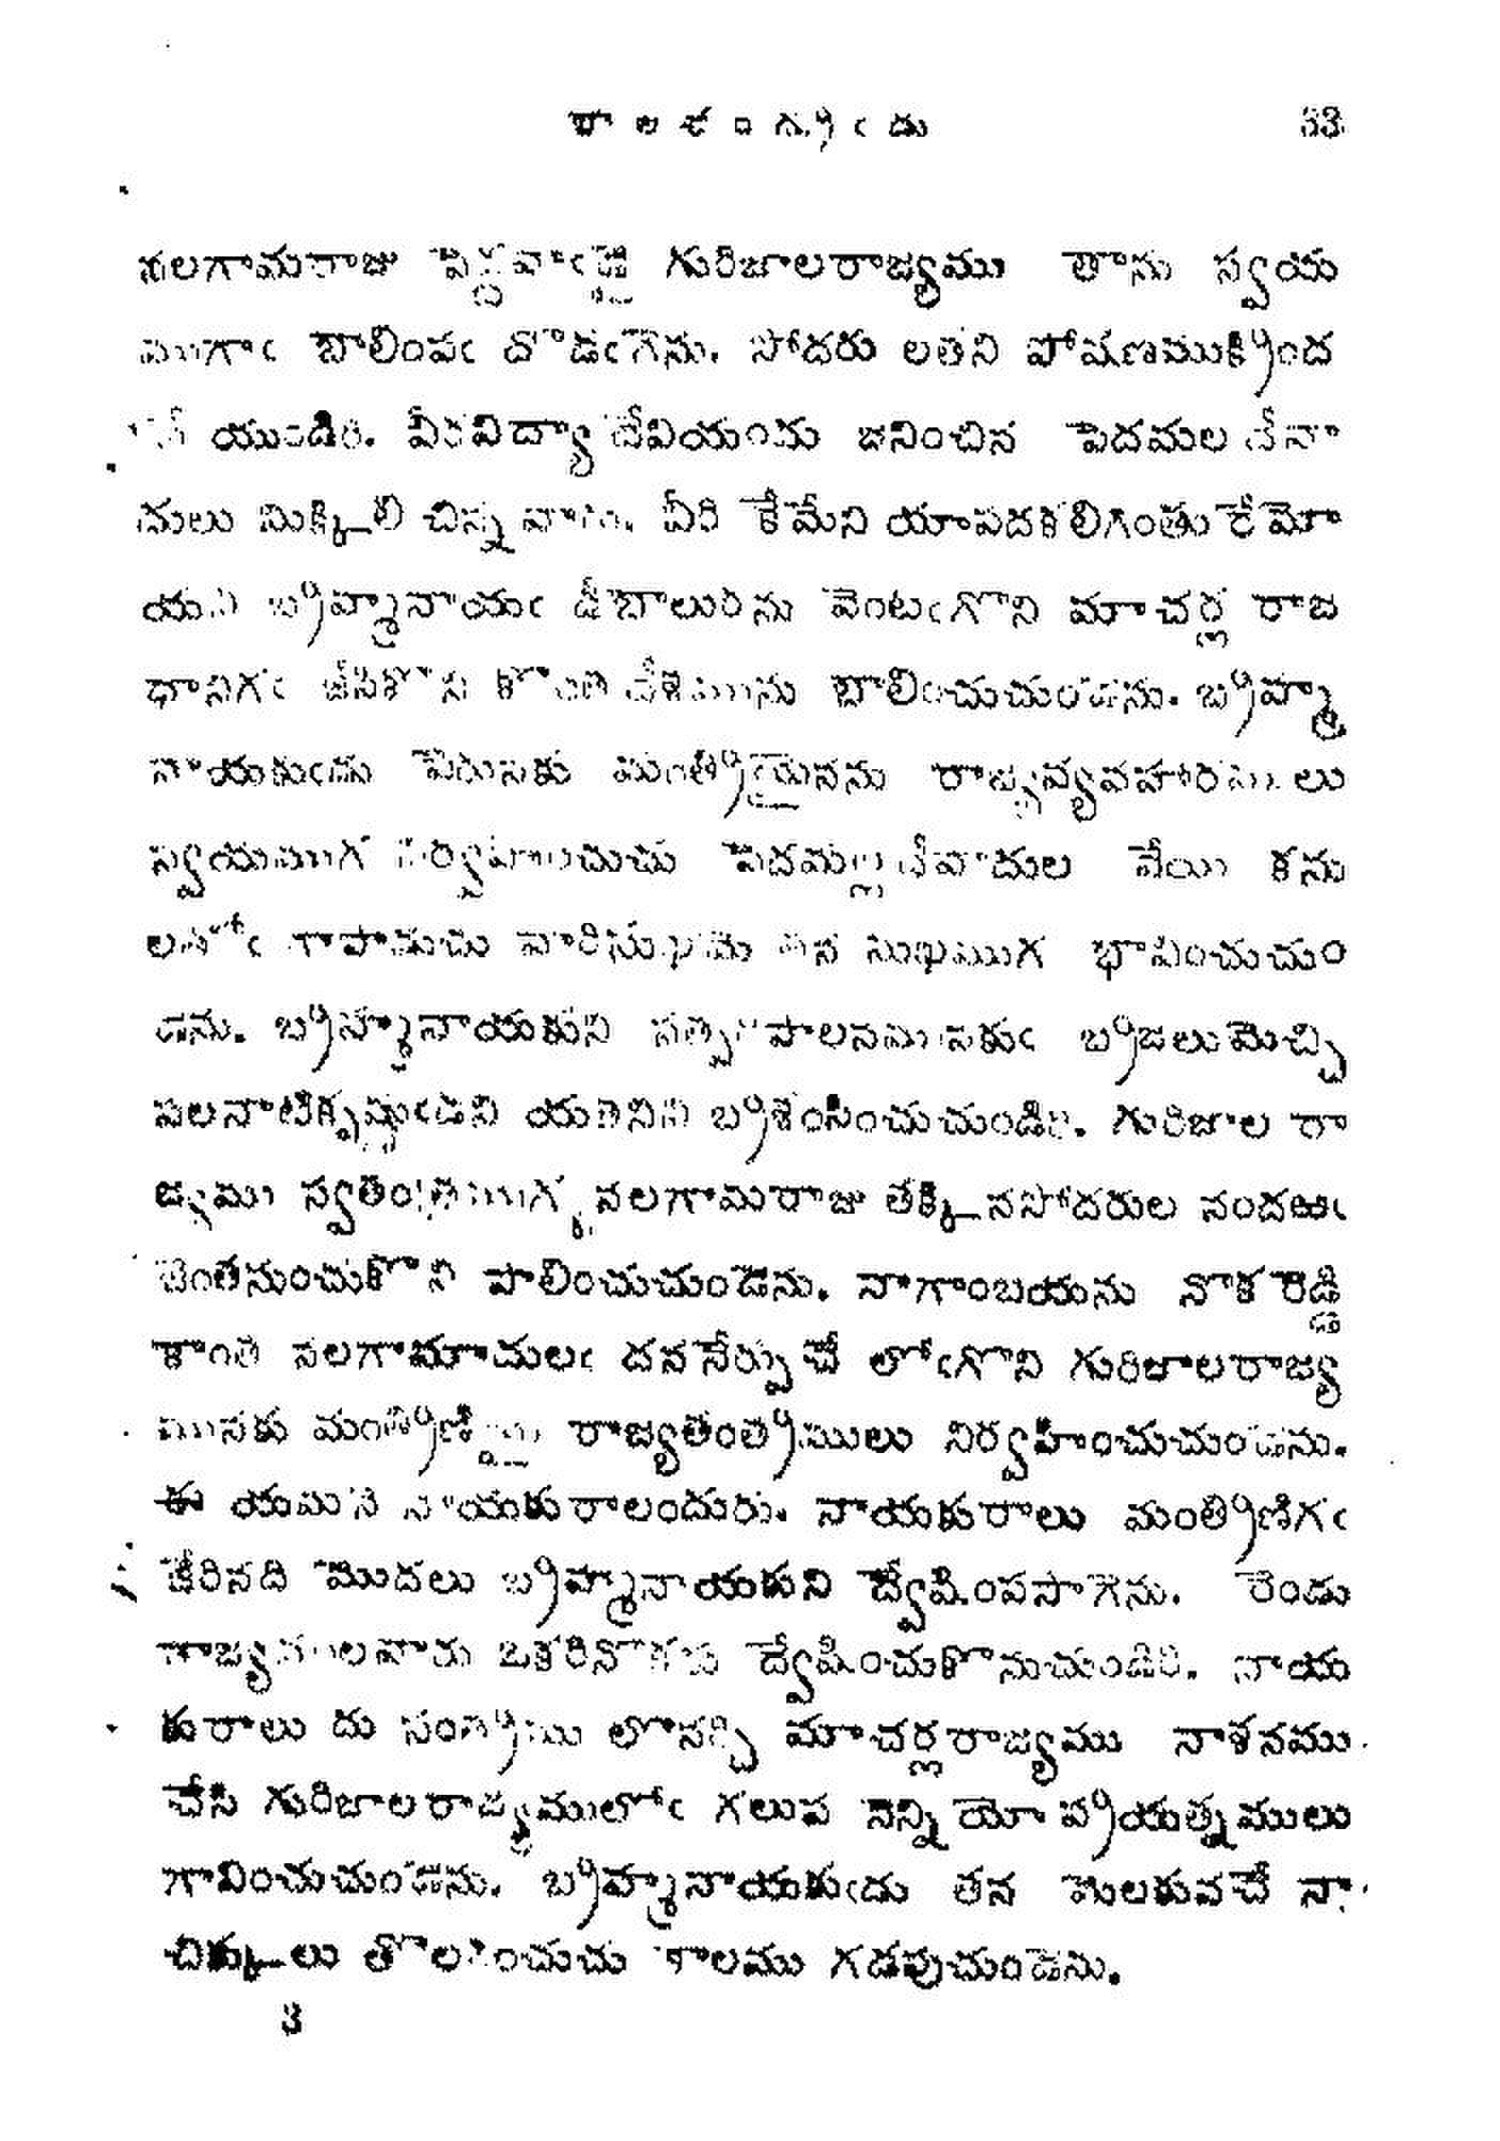నలగామరాజు పెద్దవాడై గురిజాలరాజ్యము తాను స్వయముగా బాలింప దొడగెను. సోదరు లతని పోషణముక్రింద నే యుండిరి. వీరవిద్యాదేవియందు జనించిన పెదమల దేనాదులు మిక్కిలి చిన్నవారు. వీరి కేమేని యాపదకలిగింతురేమో యని బ్రహ్మనాయ డీబాలురను వెంటగొని మాచర్ల రాజధానిగ జేసికొని కొంత దేశమును బాలించుచుండెను. బ్రహ్మ నాయకుడు పేరునకు మంత్రియైనను రాజ్యవ్యవహారములు స్వయముగ నిర్వహించుచు పెదమల్లదేవాదుల వేయి కనులతో గాపాడుచు వారిసుఖము తన సుఖముగ భావించుచుండెను. బ్రహ్మనాయకుని సత్పరిపాలనమునకు బ్రజలుమెచ్చి పలనాటికృష్ణుడని యతనిని బ్రశంసించుచుండిరి. గురిజాల రాజ్యము స్వతంత్రముగ నలగామరాజు తక్కినసోదరుల నందఱ జెంతనుంచుకొని పాలించుచుండెను. నాగాంబయను నొకరెడ్డి కాంత నలగామాదుల దననేర్పుచే లోగొని గురిజాలరాజ్యమునకు మంత్రిణియై రాజ్యతంత్రములు నిర్వహించుచుండెను. ఈ యమనె నాయకురాలందురు. నాయకురాలు మంత్రిణిగ జేరినది మొదలు బ్రహ్మనాయకుని ద్వేషింపసాగెను. రెండు రాజ్యములవారు ఒకరినొకరు ద్వేషించుకొనుచుండిరి. నాయకురాలు దు సంత్రము లొనర్చి మాచర్లరాజ్యము నాశనము చేసి గురిజాల రాజ్యములో గలుప నెన్నియో ప్రయత్నములు గావించుచుండెను. బ్రహ్మనాయకుడు తన మెలకువచే నా చిక్కులు తొలగించుచు కాలము గడపుచుండెను.